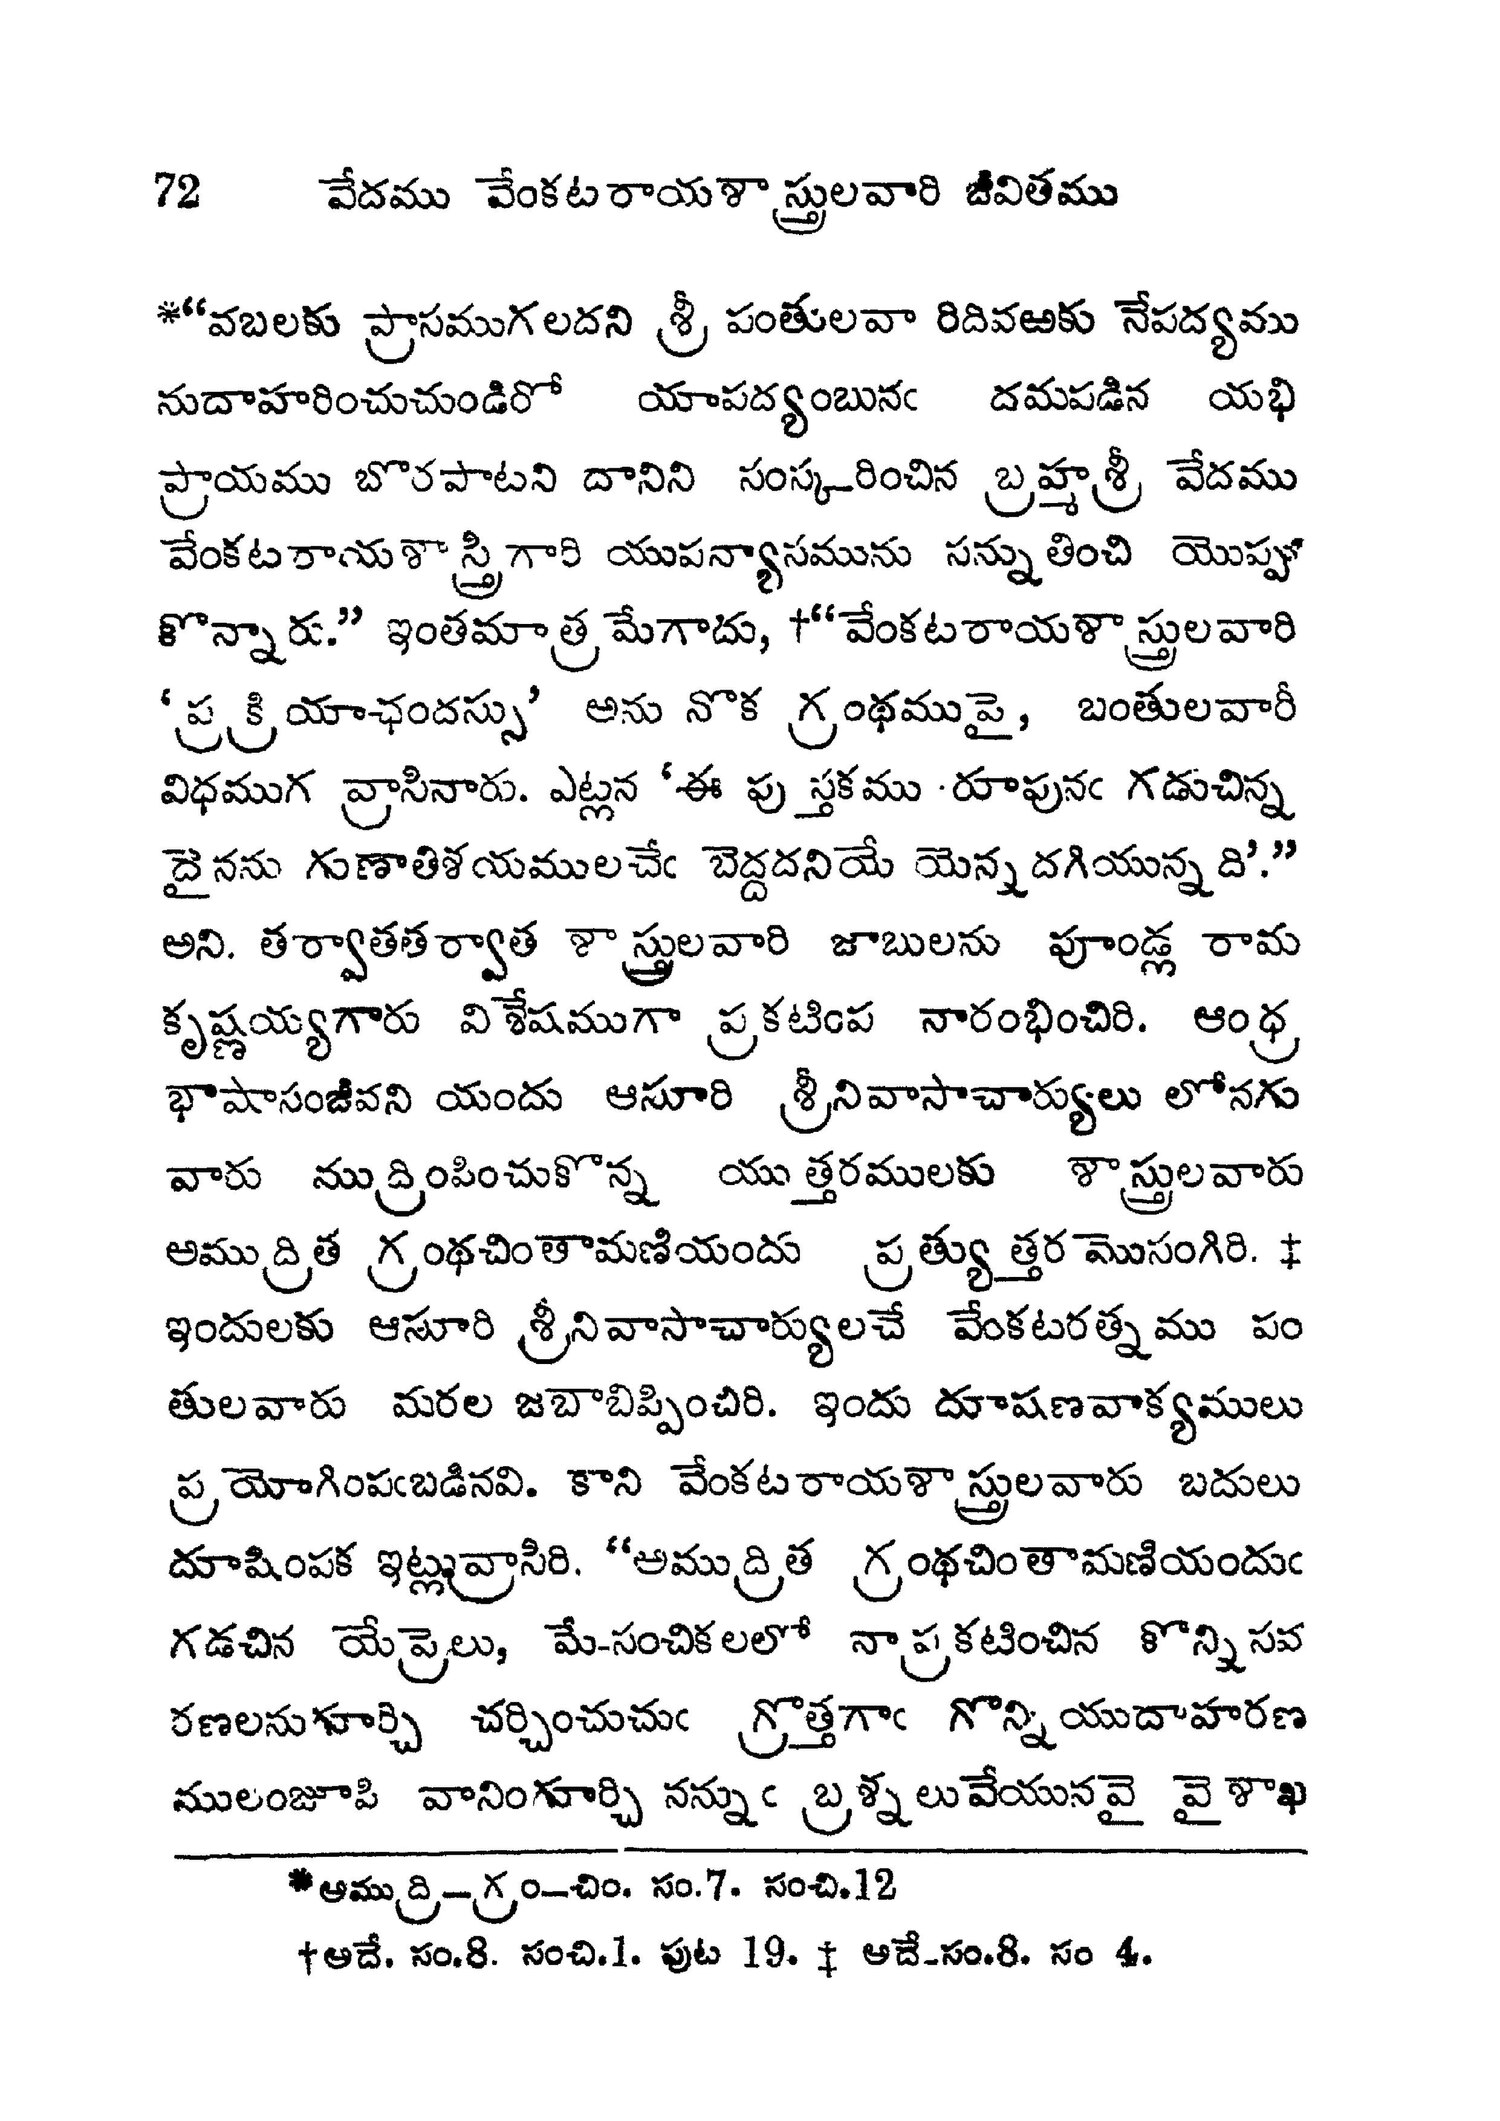"వబలకు ప్రాసముగలదని శ్రీ పంతులవా రిదివఱకు నేపద్యము నుదాహరించుచుండిరో యాపద్యంబున దమపడిన యభిప్రాయము బొరపాటని దానిని సంస్కరించిన బ్రహ్మశ్రీ వేదము వేంకటరాయశాస్త్రిగారి యుపన్యాసమును సన్నుతించి యొప్పుకొన్నారు." ఇంతమాత్రమేగాదు, +"వేంకటరాయశాస్త్రులవారి 'ప్రక్రియాఛందస్సు' అను నొక గ్రంథముపై, బంతులవారీవిధముగ వ్రాసినారు. ఎట్లన 'ఈ పుస్తకము రూపున గడుచిన్నదైనను గుణాతిశయములచే బెద్దదనియే యెన్నదగియున్నది." అని, తర్వాతతర్వాత శాస్త్రులవారి జాబులను పూండ్ల రామకృష్ణయ్యగారు విశేషముగా ప్రకటింప నారంభించిరి. ఆంధ్ర భాషాసంజీవని యందు ఆసూరి శ్రీనివాసాచార్యులు లోనగువారు ముద్రింపించుకొన్న యుత్తరములకు శాస్త్రులవారు అముద్రిత గ్రంథచింతామణియందు ప్రత్యుత్తరమొసంగిరి. #ఇందులకు ఆసూరి శ్రీనివాసాచార్యులచే వేంకటరత్నము పంతులవారు మరల జబాబిప్పించిరి. ఇందు దూషణవాక్యములు ప్రయోగింపబడినవి. కాని వేంకటరాయశాస్త్రులవారు బదులు దూషింపక ఇట్లువ్రాసిరి. "అముద్రిత గ్రంథచింతామణియందు గడచిన యేప్రెలు, మే-సంచికలలో నాప్రకటించిన కొన్ని సవరణలనుగూర్చి చర్చించుచు గ్రొత్తగా గొన్ని యుదాహరణములంజూపి వానింగూర్చి నన్ను బ్రశ్నలువేయునవై వైశాఖ

______________________________________________________________________

అముద్రి-గ్రం-చిం. సం.7. సంచి.12

+అదే. సం.8. సంచి.1. పుట 19.

అదే. సం.8. సం 4.